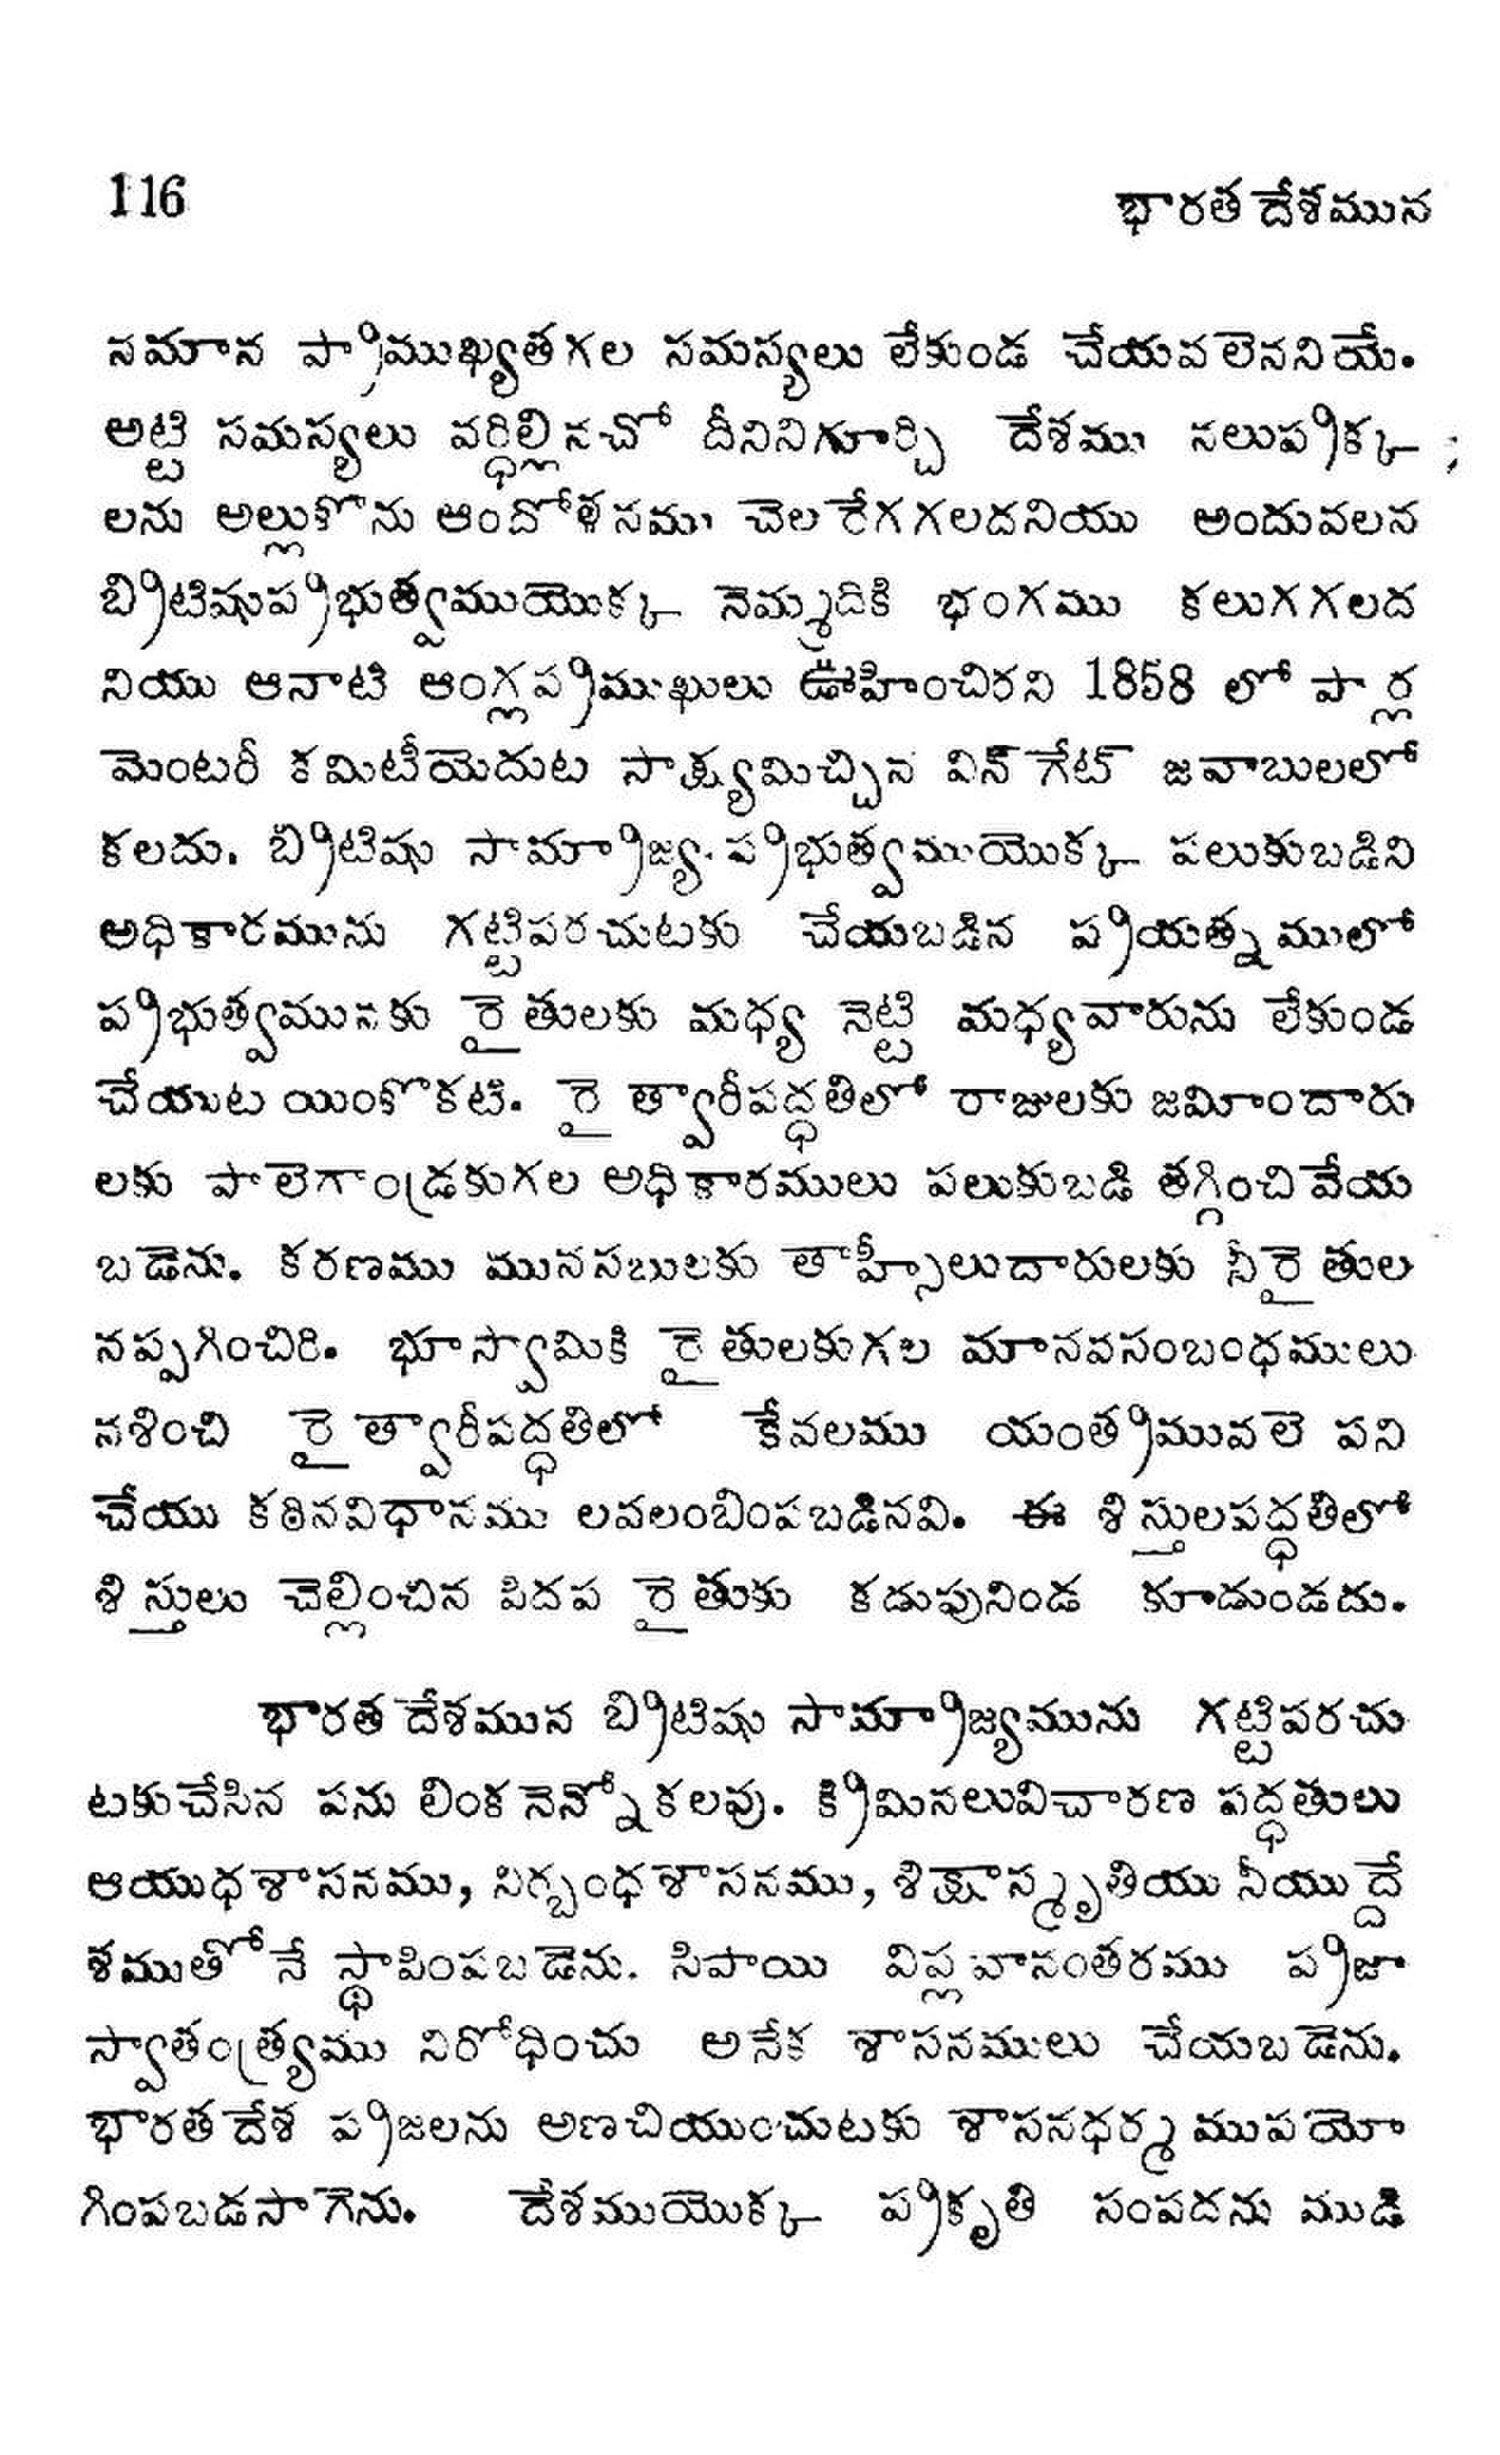సమాన ప్రాముఖ్యతగల సమస్యలు లేకుండ చేయవలెననియే. అట్టి సమస్యలు వర్ధిల్లినచో దీనినిగూర్చి దేశము నలుప్రక్కలను అల్లుకొను ఆందోళనము చెలరేగగలదనియు అందువలన బ్రిటిషు ప్రభుత్వముయొక్క నెమ్మదికి భంగము కలుగగలదనియు ఆనాటి ఆంగ్లప్రముఖులు ఊహించిరని 1858 లో పార్లమెంటరీ కమిటీయెదుట సాక్ష్యమిచ్చిన విన్ గేట్ జవాబులలో కలదు. బ్రిటిషు సామ్రాజ్య, ప్రభుత్వముయొక్క పలుకుబడిని అధికారమును గట్టిపరచుటకు చేయబడిన ప్రయత్నములో ప్రభుత్వమునకు రైతులకు మధ్య నెట్టి మధ్యవారును లేకుండచేయుట యింకొకటి. రైత్వారీపద్ధతిలో రాజులకు జమీందారులకు పాలెగాండ్రకుగల అధికారములు పలుకుబడి తగ్గించివేయబడెను. కరణము మునసబులకు తాహ్సీలుదారులకు నీరైతుల నప్పగించిరి. భూస్వామికి రైతులకుగల మానవసంబంధములు నశించి రైత్వారీపద్ధతిలో కేవలము యంత్రమువలె పనిచేయు కఠినవిధానము లవలంబింపబడినవి. ఈ శిస్తులపద్దతిలో శిస్తులు చెల్లించిన పిదప రైతుకు కడుపునిండ కూడుండదు.

భారతదేశమున బ్రిటిషు సామ్రాజ్యమును గట్టిపరచుటకుచేసిన పను లింకనెన్నోకలవు. క్రిమినలువిచారణ పద్ధతులు ఆయుధశాసనము, నిర్బంధశాసనము , శిక్షాస్మృతియు నీయుద్దేశముతోనే స్థాపింపబడెను. సిపాయి విప్లవానంతరము ప్రజాస్వాతంత్ర్యము నిరోధించు అనేక శాసనములు చేయబడెను. భారతదేశ ప్రజలను అణచియుంచుటకు శాసనధర్మ ముపయోగింపబడసాగెను. దేశముయొక్క ప్రకృతి సంపదను ముడి